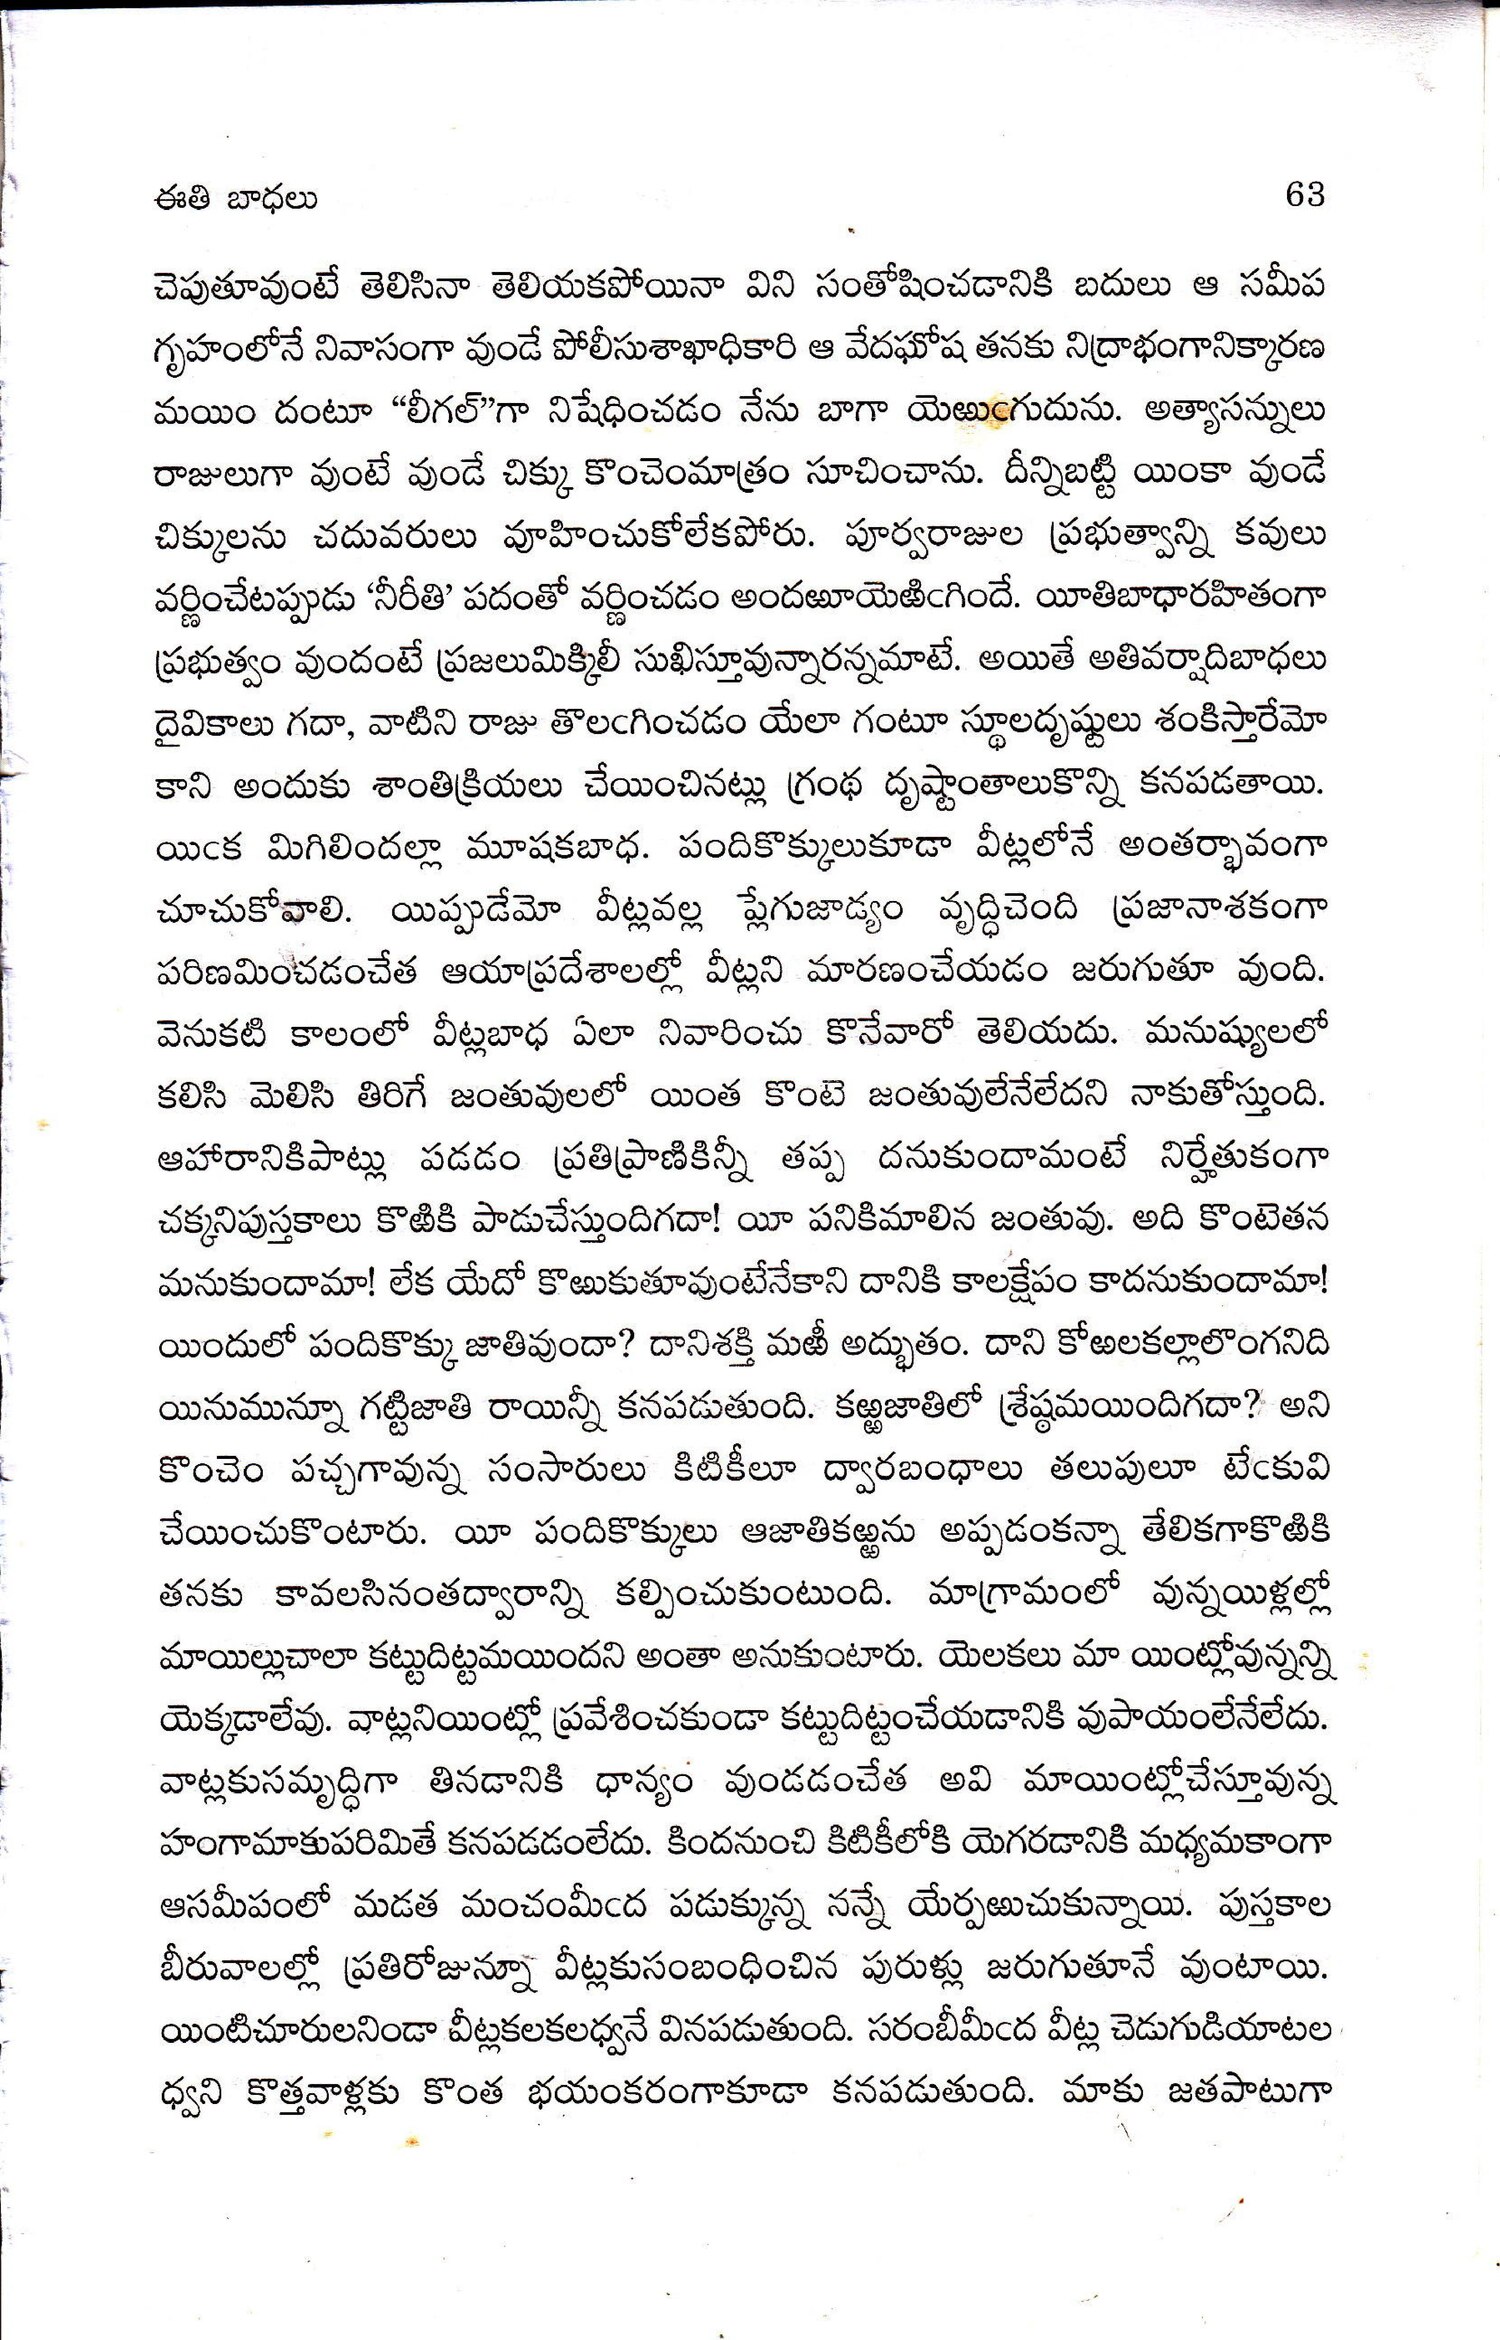చెపుతూవుంటే తెలిసినా తెలియకపోయినా విని సంతోషించడానికి బదులు ఆ సమీప గృహంలోనే నివాసంగా వుండే పోలీసుశాఖాధికారి ఆ వేదఘనోష తనకు నిద్రాభంగానిక్కారణ మయిం దంటూ “లీగల్గా నిషేధించడం నేను బాగా యెఱుఁగుదును. అత్యాసన్నులు రాజులుగా వుంటే వుండే చిక్కు కొంచెంమాత్రం సూచించాను. దీన్నిబట్టి యింకా వుండే చిక్కులను చదువరులు వూహించుకోలేకపోరు. పూర్వరాజుల ప్రభుత్వాన్ని కవులు వర్ణించేటప్పుడు నీరీతి’ పదంతో వర్ణించడం అందఱూయెఱిఁగిందే. యీతిబాధారహితంగా ప్రభుత్వం వుందంటే ప్రజలుమిక్కిలీ సుఖిస్తూవున్నారన్నమాటే. అయితే అతివర్షాదిబాధలు దైవికాలు గదా, వాటిని రాజు తొలంగించడం యేలా గంటూ సూలదృష్టులు శంకిస్తారేమో కాని అందుకు శాంతిక్రియలు చేయించినట్లు గ్రంథ దృష్టాంతాలుకొన్ని కనపడతాయి. యింక మిగిలిందల్లా మూషకబాధ. పందికొక్కులుకూడా వీట్లలోనే అంతర్భావంగా చూచుకోవాలి. యిప్పడేమో వీట్లవల్ల ప్లేగుజాడ్యం వృద్ధిచెంది ప్రజానాశకంగా పరిణమించడంచేత ఆయాప్రదేశాలల్లో వీట్లని మారణంచేయడం జరుగుతూ వుంది. వెనుకటి కాలంలో వీట్ల బాధ ఏలా నివారించు కొనేవారో తెలియదు. మనుష్యులలో కలిసి మెలిసి తిరిగే జంతువులలో యింత కొంటె జంతువులేనేలేదని నాకుతోస్తుంది. ఆహారానికిపాట్లు పడడం ప్రతిప్రాణికిన్నీ తప్ప దనుకుందామంటే నిర్ణేతుకంగా చక్కనిపుస్తకాలు కొటికి పాడుచేస్తుందిగదా! యీ పనికిమాలిన జంతువు. అది కొంటెతన మనుకుందామా! లేక యేదో కొఱుకుతూవుంటేనేకాని దానికి కాలక్షేపం కాదనుకుందామా! యిందులో పందికొక్కు జాతివుందా? దానిశక్తి మటీ అద్భుతం. దాని కోఱలకల్లాలొంగనిది యినుమున్నూ గట్టిజాతి రాయిన్నీ కనపడుతుంది. కఱ్ఱజాతిలో శ్రేష్టమయిందిగదా? అని కొంచెం పచ్చగావున్న సంసారులు కిటికీలూ ద్వారబంధాలు తలుపులూ టేఁకువి చేయించుకొంటారు. యీ పందికొక్కులు ఆజాతికఱ్ఱను అప్పడంకన్నా తేలికగా కొటికి తనకు కావలసినంతద్వారాన్ని కల్పించుకుంటుంది. మాగ్రామంలో వున్నయిళ్లల్లో మాయిల్లుచాలా కట్టుదిట్టమయిందని అంతా అనుకుంటారు. యెలకలు మా యింట్లోవున్నన్ని యొక్కడాలేవు. వాట్లనియింట్లో ప్రవేశించకుండా కట్టుదిట్టంచేయడానికి వుపాయంలేనేలేదు. వాట్లకుసమృద్ధిగా తినడానికి ధాన్యం వుండడంచేత అవి మాయింట్లోచేస్తూవున్న హంగామాకుపరిమితే కనపడడంలేదు. కిందనుంచి కిటికీలోకి యెగరడానికి మధ్యమకాంగా ఆసమీపంలో మడత మంచంమీంద పడుక్కున్న నన్నే యేర్పఱుచుకున్నాయి. పుస్తకాల బీరువాలల్లో ప్రతిరోజున్నూ వీట్లకుసంబంధించిన పురుళ్లు జరుగుతూనే వుంటాయి. యింటిచూరులనిండా వీట్లకలకలధ్వనే వినపడుతుంది. సరంబీమీఁద వీట్ల చెడుగుడియాటల ధ్వని కొత్తవాళ్లకు కొంత భయంకరంగాకూడా కనపడుతుంది. మాకు జతపాటుగా
\